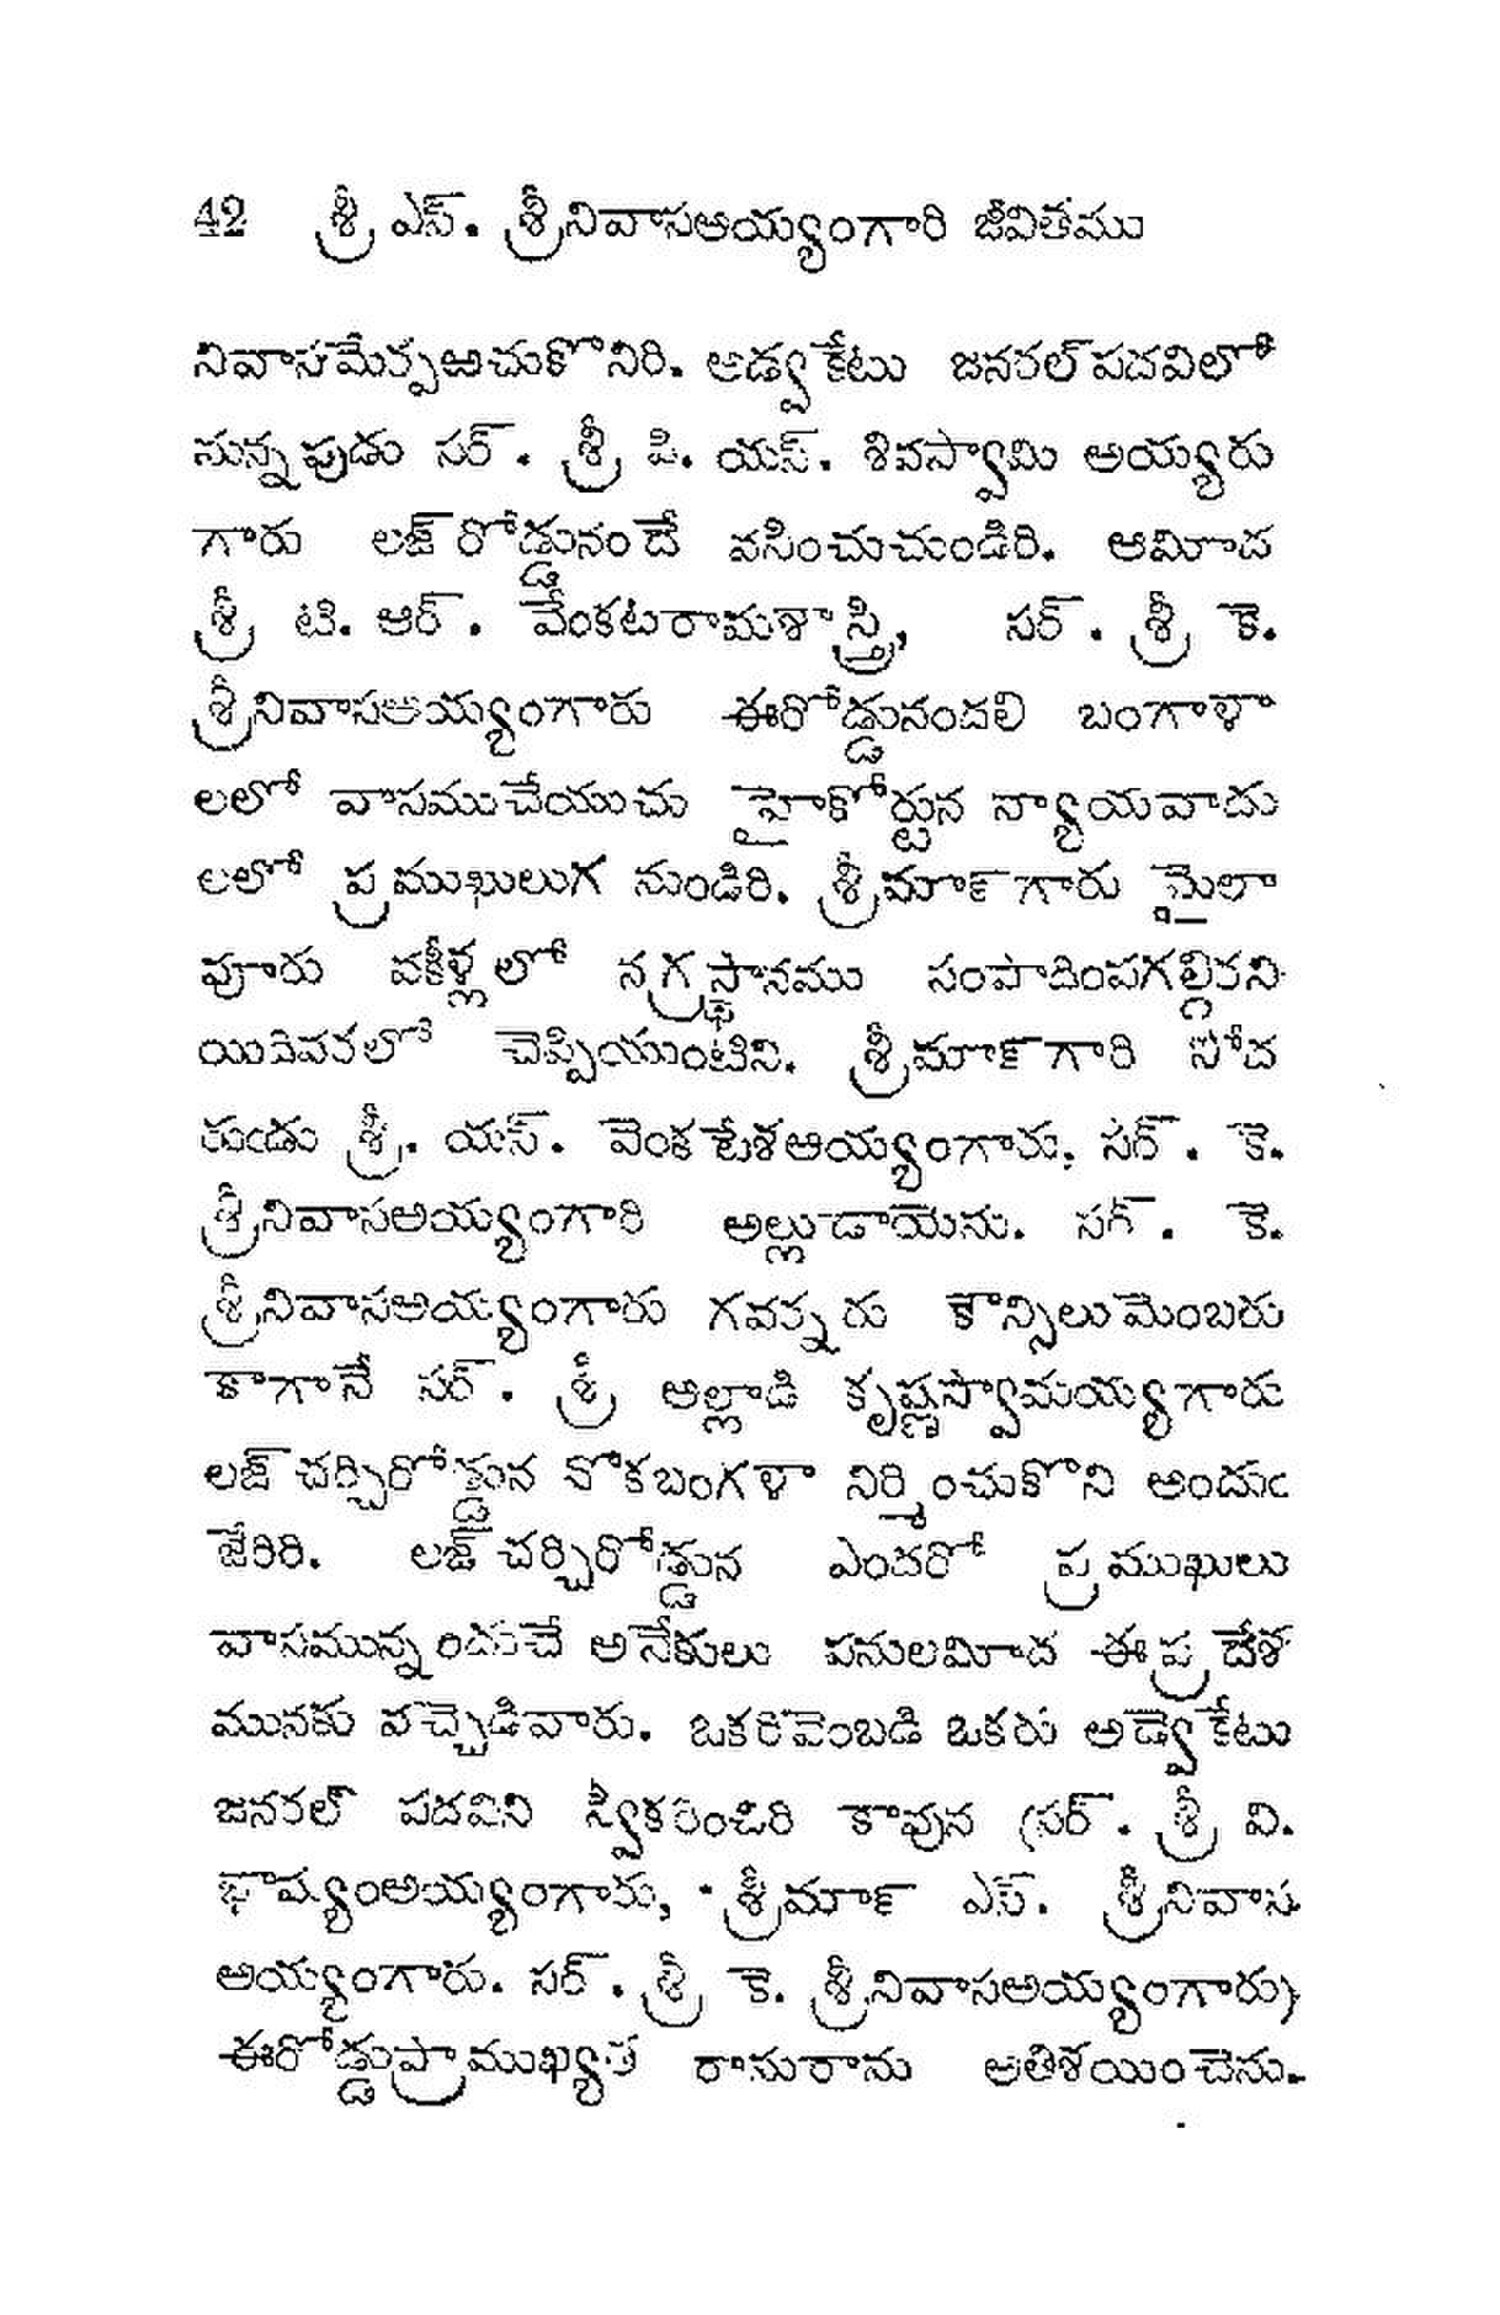నివాసమేర్పఱచుకొనిరి. అడ్వకేటు జనరల్‌పదవిలో నున్నపుడు సర్. శ్రీ పి. యస్. శివస్వామి అయ్యరుగారు లజ్‌రోడ్డునందే వసించుచుండిరి. అమీద శ్రీ టి. ఆర్ . వేంకటరామశాస్త్రి, సర్. శ్రీ కె. శ్రీనివాసఅయ్యంగారు ఈరోడ్డునందలి బంగాళాలలో వాసముచేయుచు హైకోర్టున న్యాయవాదులలో ప్రముఖులుగ నుండిరి. శ్రీమా౯గారు మైలాపూరు వకీళ్లలో నగ్రస్థానము సంపాదింపగల్గిరని యిదివరలో చెప్పియుంటిని. శ్రీమా౯గారి సోదరుఁడు శ్రీ. యస్. వెంకటేశఅయ్యంగారు, సర్. కె. శ్రీనివాసఅయ్యంగారి అల్లుడాయెను. సర్. కె. శ్రీనివాసఅయ్యంగారు గవర్నరు కౌన్సిలుమెంబరు కాగానే సర్. శ్రీ అల్లాడి కృష్ణస్వామయ్యగారు లజ్‌చర్చిరోడ్డున నొకబంగళా నిర్మించుకొని అందుఁజేరిరి. లజ్‌చర్చిరోడ్డున ఎందరో ప్రముఖులు వాసమున్నందుచే అనేకులు పనులమీద ఈప్రదేశమునకు వచ్చెడివారు. ఒకరివెంబడి ఒకరు అడ్వకేటు జనరల్ పదవిని స్వీకరించిరి కావున (సర్. శ్రీ వి.
భాష్యంఅయ్యంగారు, శ్రీమా౯ ఎస్. శ్రీనివాసఅయ్యంగారు. సర్ . శ్రీ కె. శ్రీనివాసఅయ్యంగారు), ఈరోడ్డుప్రాముఖ్యత రానురాను అతిశయించెను.